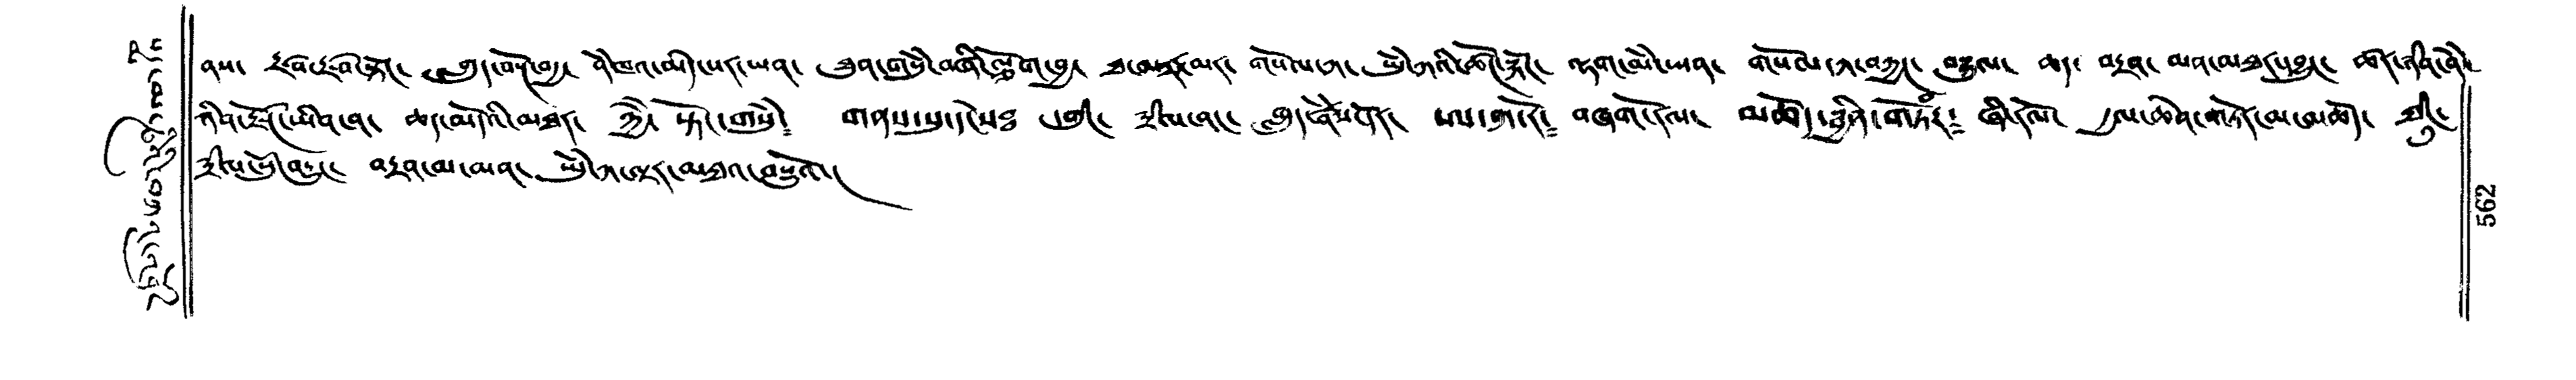ནས། རྫབ་རྫབ༴ སྟོང་། གླུད་བསྔོ་བརྒྱ། ནམ་མཁའ་མེད་པར༴ ཡན། ཐུན་གསུམ་བཞི་ལྕོགས་བྱ། ཐ་མར། གསོལ་ཀ། ཡུམ་ཀའི་ཚོགས་སྐོང་། ལྷག་མ་ཡན། གསོལ་ཀ་བཀྱགས། བསྐུལ། ཆད། བརྟན། མན་མཐར་དབྱུང་། ཚར་ཉིན་ནམ་
ཉིན་རྫོགས་ཡིན་ན། ཆད་མདོའི་མཐར། ཀྱཻ། སྟོང་གསུམ༴ གནས་སུ་དེངསཿ དགུ་ཐིང་། ཟིལ་ནང་། གླུད་རྣམས་དོར། ཨ་ཀ་རོ༴ བཞག་རོལ། མཆོད་སྦྱིན་གཏོར་མ༴ ཞི་རོལ། རྒྱལ་ཆེན་གཏོར་མ་མཆོད། ཐིང་གཅིག 
ཟིལ། སུམ་རྡུང་། བརྟན་མ་མན་ཡུམ་ཀ་ལྟར་མཐའ་བསྡུའོ།